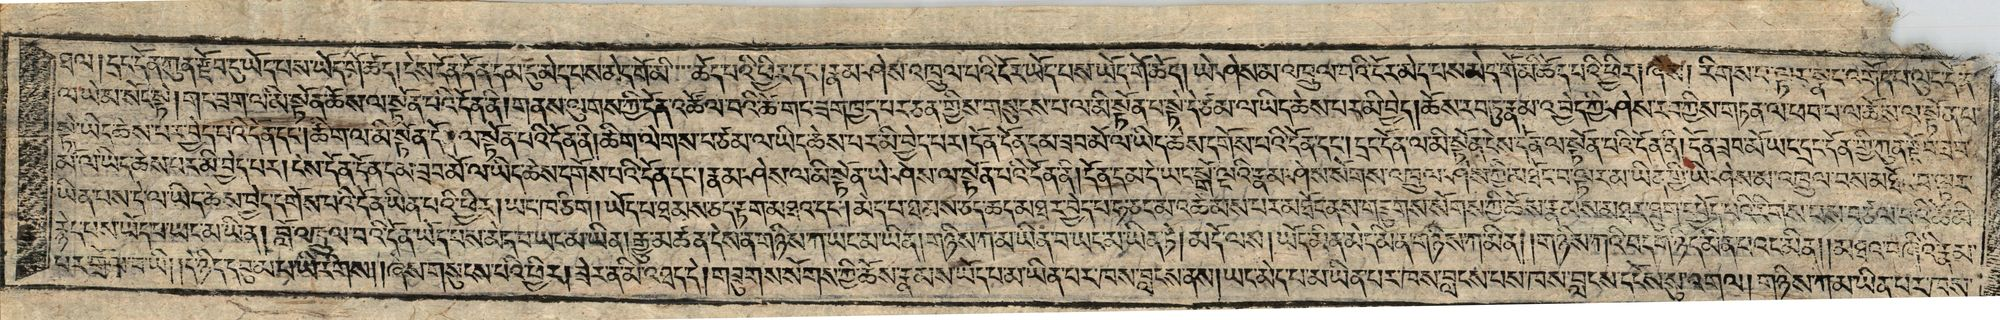ཐལ། དྲང་དོན་ཀུན་རྫོབ་དུ་ཡོད་པས་ཡོད་གོ་ཆོད། ངེས་དོན་དོན་དམ་དུ་མེད་པས་མེད་གོ་མི་ཆོད་པའི་ཕྱིར་དང་། རྣམ་ཤེས་འཁྲུལ་པའི་ངོར་ཡོད་པས་ཡོད་གོ་ཆོད། ཡེ་ཤེས་མ་འཁྲུལ་བའི་ངོར་མེད་པས་མེད་གོ་མི་ཆོད་པའི་ཕྱིར། ཞེས། རིགས་པ་ལྟར་སྣང་འགོད་པ་ལུང་དོན་
ལ་ཡེམྶོང་སྟེ། གང་ཟག་ལ་མི་སྟོན་ཆོས་ལ་སྟོན་པའི་དོན་ནི། གནས་ལུགས་ཀྱི་དོན་འཚོལ་བའི་ཚེ་གང་ཟག་ཁྱད་པར་ཅན་གྱིས་གསུངས་པ་ལ་མི་སྟོན་པ་སྟེ་དེ་ཙམ་ལ་ཡིད་ཆེས་པར་མི་བྱེད། ཆོས་རབ་ཏུ་རྣམ་འབྱེད་ཀྱི་ཤེས་རབ་ཀྱིས་གཏན་ལ་ཕབ་པ་ལ་ཆོས་ལ་སྟོན་པ་
སྟེ་ཡིད་ཆེས་པར་བྱེད་པའི་དོན་དང་། ཚིག་ལ་མི་སྟོན་དོན་ལ་སྟོན་པའི་དོན་ནི། ཚིག་ལེགས་པ་ཙམ་ལ་ཡིད་ཆེས་པར་མི་བྱེད་པར། དོན་དོན་དམ་ཟབ་མོ་ལ་ཡིད་ཆེས་དགོས་པའི་དོན་དང་། དྲང་དོན་ལ་མི་སྟོན་ངེས་དེནླ་སྟོན་པའི་དོན་ནི། དོན་ཟབ་མོ་ཡང་དྲང་དོན་གྱི་ཀུན་རྫོབ་ཟབ་
མོ་ལ་ཡིད་ཆེས་པར་མི་བྱེད་པར། ངེས་དོན་དོན་དམ་ཟབ་མོ་ལ་ཡིད་ཆེས་དགོས་པའི་དོན་དང་། རྣམ་ཤེས་ལ་མི་སྟོན་ཡེ་ཤེས་ལ་སྟོན་པའི་དོན་ནི། དོན་དམ་དེ་ཡང་སྒོ་ལྔའི་རྣམ་ཤེས་སོགས་འཁྲུལ་ཤེས་ཀྱི་མཐོང་བ་ལྟར་མ་ཡིན་གྱི་ཡི་ཤེས་མ་འཁྲུལ་བས་མཐོང་བ་ལྟར་
ཡིན་པས་དེ་ལ་ཡིད་ཆེས་བྱེད་དགོས་པའི་དོན་ཡིན་པའི་ཕྱིར། ཡང་ཁ་ཅིག ། ཡོད་པ་ཐམས་ཅད་རྟག་མཐའ་དང་། མེད་པ་ཐམས་ཅད་ཆད་མཐར་བྱེད་པ་ཧ་ཅང་མ་འཆེམྶྤར་མཐོང་ནས་གཟུགས་སོགས་ཀྱི་ཆོས་རྣམས་མཐར་ཐུག་དཔྱོད་པའི་རིགས་པས་བཙལ་བའི་ཚེ་མི་
རྙེད་པས་ཡོད་པ་ཡང་མ་ཡིན། བློ་འཁྲུལ་པའི་དོན་ཡོད་པས་མེད་པ་ཡང་མ་ཡིན། རྒྱུ་མཚན་དེས་ན་གཉིས་ཀ་ཡང་མ་ཡིན། གཉིས་ཀ་མ་ཡིན་པ་ཡང་མ་ཡིན་ཏེ། མདོ་ལས། ཡོད་མིན་མེད་མིན་གཉིས་ཀ་མིན། །གཉིས་ཀའི་བདག་ཉིད་མིན་པའང་མིན། །མཐའ་བཞིའི་རྣམ་
པར་གྲོལ་བ་ཡི། །དེ་ཉིད་དབུ་མ་པ་ཡི་རིགས། །ཞེས་གསུངས་པའི་ཕྱིར། ཟེར་ན་མི་འཐད་དེ། གཟུགས་སོགས་ཀྱི་ཆོས་རྣམས་ཡོད་པ་མ་ཡིན་པར་ཁས་བླངས་ནས། ཡང་མེད་པ་མ་ཡིན་པར་ཁས་བླངས་པས་ཁས་བླངས་དངོས་སུ་འགལ། གཉིས་ཀ་མ་ཡིན་པར་ཁས་